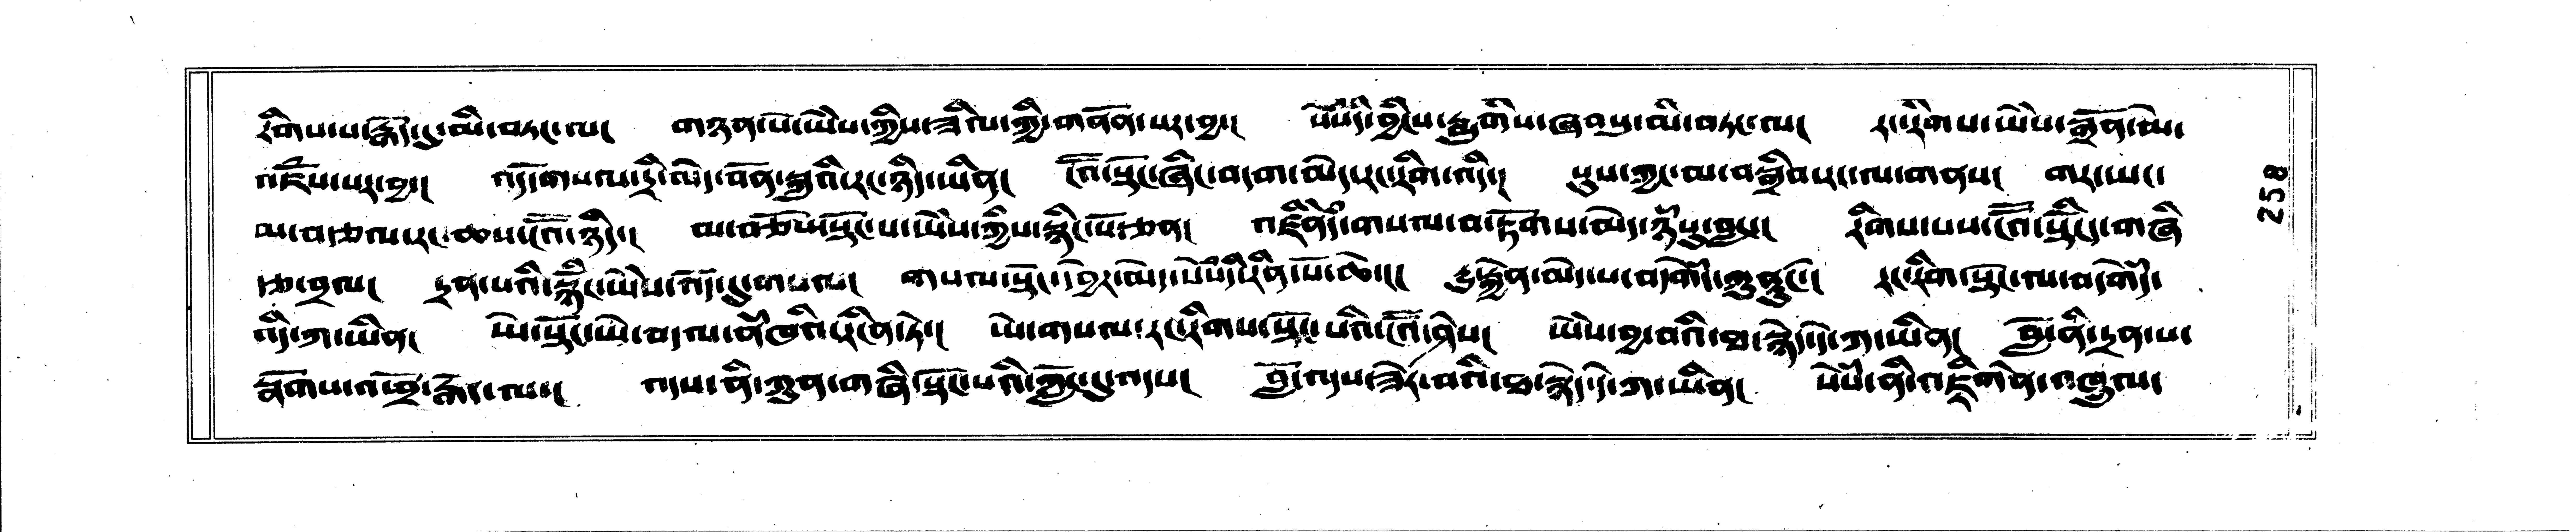རིག་པ་དགོད་དུ་མི་བཏང་ལ། གཉེན་པོ་ཡེ་ཤེས་ཟིལ་གྱི་ནོན་པར་བྱ། སེམས་ཉིད་བྱིང་རྨུག་ཀྱིས་ཞབས་སུ་མ་བཏང་ལ། རང་རིག་ཡེ་ཤེས་སྒྲོན་མེའི་
འཇོམས་པར་བྱ། འོད་གསལ་དྲི་མེད་བོན་སྐུ་རང་ཉིད་ཡིན། ངོའོ་སྟོང་ཞིང་བདག་མེད་རང་རིག་འདི། སུས་ཀྱང་མ་སྒྲུབས་རང་ལ་གནས། གར་ཡང་
མ་བཙལ་རང་ཆས་ངོའོ་ཉིད། མ་བཅོས་སྟོང་པ་ཡེ་ཤེས་སྙིང་པོ་ཅན། འཛིན་མེད་གསལ་ལ་རྟོག་མེད་ཉམས་སུ་ལོང་། རིག་པའི་ངོའོ་སྟོང་ཉིད་གཞི་
རྩ་བྲལ། དྲན་པའི་སྙིང་པོ་ཡེ་ཤེས་དོན་དུ་གསལ། གསལ་སྟོང་དབྱེར་མེད་སེམས་ཉིད་རིན་པོ་ཆེ། རྒྱུ་རྐྱེན་མེད་པའི་བདག་ཉིད་ཀུན་ཏུ་བཟང་། རང་རིག་སྟོང་གསལ་བདག་
མེད་འདི་ཀ་ཡིན། ཡེ་སྟོང་ཡེ་བདལ་ནམ་མཁའི་སེམས་ཉིད་ཅན། ཡེ་གསལ་རང་རིག་སྟོང་པའི་ངོ་ཤེས་དེ། ཡེ་ཤེས་བྱ་བའི་ཐ་སྙད་དེ་ཀ་ཡིན། བློ་ནི་དྲན་པ་
སྣ་ཚོགས་འཕྲོ་རྒོད་ལ། འདས་ནི་ཀུན་གཞི་སྟོང་པའི་ངང་དུ་འདས། བློ་འདས་ཟེར་བའི་ཐ་སྙད་དེ་ཀ་ཡིན། སེམས་ནི་འཇིག་རྟེན་འཁྲུལ་